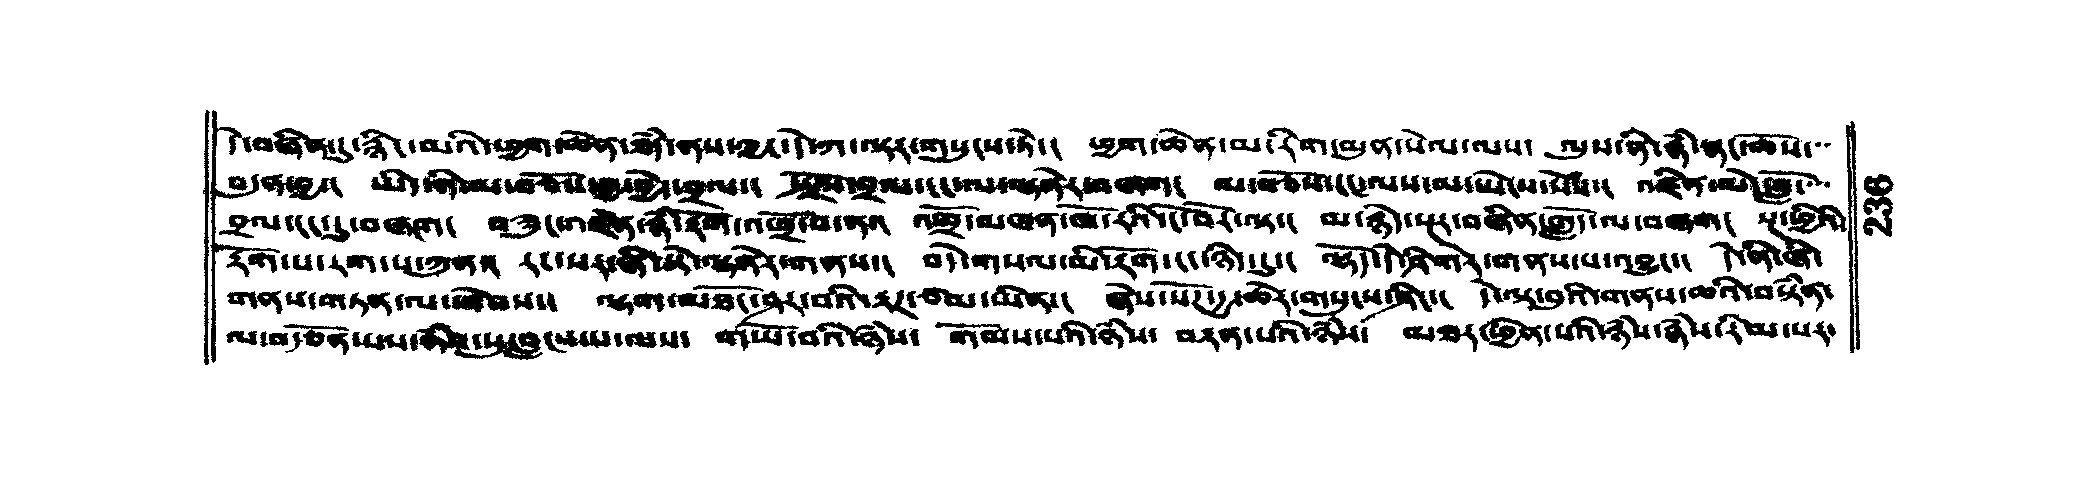དེ་བཞིན་དུ་རྙིང་མའི་ཕྱག་ཆེན་ཐམས་ཅད་ནས་ཀྱང་དེ་ཀ་ལྟར་གསུངས་ཏེ། ཕྱག་ཆེན་མ་རིག་མུན་སེལ་ལས། །ལུས་ནི་རྣམ་སྣང་ཆོས་
བདུན་བྱ། །ཡིད་ནི་མ་བཅོས་བྱ་བྱེད་བྲལ། །སྤྲོས་བྲལ་ངང་ལ་ལྷན་སྦྱོར་བཞག །མ་བཅོས་ངང་ལས་མ་ཡེངས་སེམས། །འཛིན་མེད་བློ་
བྲལ་ངང་དུ་བཞག །གཟུང་འཛིན་རྣམ་རྟོག་འཕྲོ་བ་ན། །འཕྲོ་མཁན་ཁོ་རེའི་ངོ་བོར་ལྟ། །མ་རྙེད་སྔར་བཞིན་གློད་ལ་བཞག །སྔ་ཕྱིའི་
རྟོག་པ་རགས་པ་ཀུན། །རང་སར་ཞི་སྟེ་ལྷན་ནེར་གནས། །བདེ་གསལ་མི་རྟོག་ངང་ཉིད་དུ། །ལྷོད་དེ་ཤིག་གེར་གནས་པ་འབྱུང་། །དེ་ནི་ཞི་
གནས་གཏན་ལ་ཕེབས། །ལྷག་མཐོང་ཤར་བའི་རྟགས་ཙམ་ཡིན། ཞེས་སོགས་རྒྱ་ཆེར་གསུངས་ཤིང་། དེ་ལྟ་བུའི་གནས་ཆའི་བསམ་གཏན་
ལ་བརྩོན་པས་ཉམས་སུ་བླངས་པ་ལས། གཡོ་བའི་ཉམས། གོམས་པའི་ཉམས། བརྟན་པའི་ཉམས། མཐར་ཕྱིན་པའི་ཉམས་རྣམས་རིམ་པར་